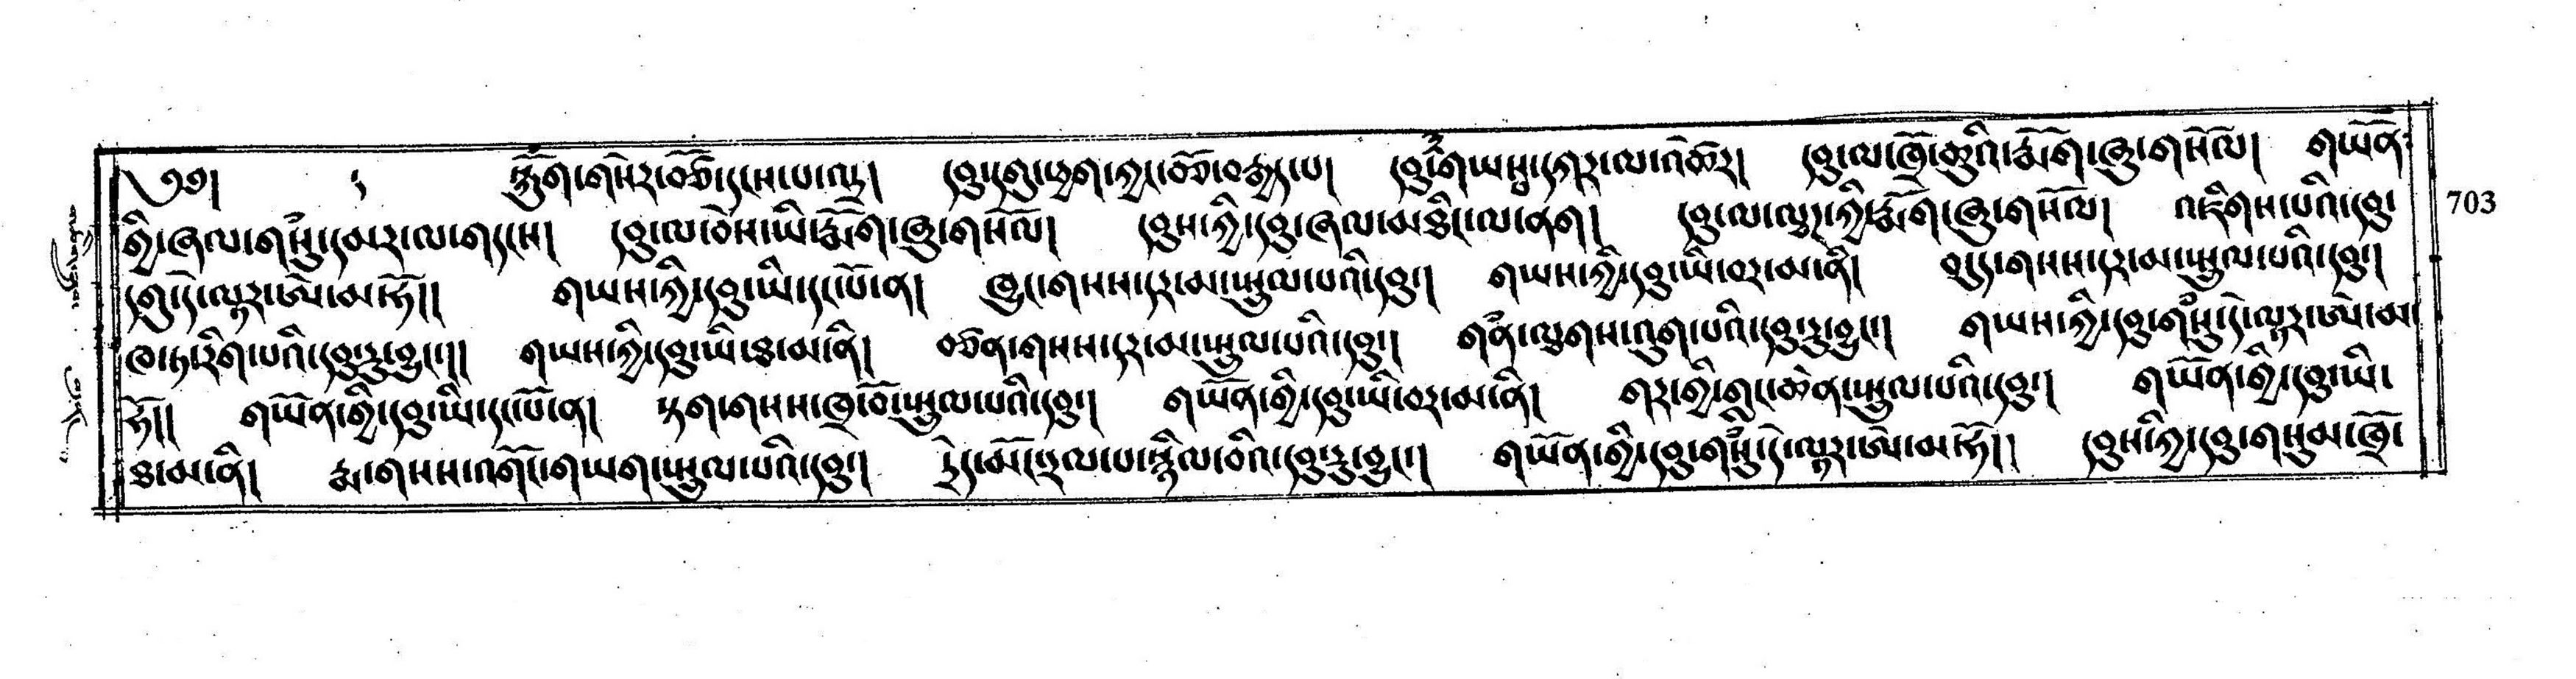སྐུ་མདོག་གསེར་བཙོ་དངས་པ་འདྲ། དབུ་དགུ་ཕྱག་ཀྱང་བཅོ་བརྒྱད་པ། དབུ་གསུམ་གཡས་པ་དཀར་ལ་འཚེར། དབུ་ལ་ཁྲོ་ཆུའི་རྨོག་ཞུ་གསོལ། གཡོན་
གྱི་ཞལ་གསུམ་དམར་ལ་གདངས། དབུ་ལ་བསེ་ཡི་རྨོག་ཞུ་གསོལ། དབུས་ཀྱི་དབུ་ཞལ་མཐིང་ལ་ནག དབུ་ལ་ལྕགས་ཀྱི་རྨོག་ཞུ་གསོལ། འཇིགས་པའི་དབུ་
དགུ་དེ་ལྟར་ཨེ་མ་ཧོ།། གཡས་ཀྱི་དབུ་ཡི་དང་པོ་ན། ཁྱུང་གསས་དར་མ་སྤྲུལ་པའི་དབུ། གཡས་ཀྱི་དབུ་ཡི་བར་མ་ནི། བདུད་གསས་དར་མ་སྤྲུལ་པའི་དབུ།
ཁ་ཏ་རིག་པའི་དབུ་རུ་བྱུང་།། གཡས་ཀྱི་དབུ་ཡི་ཐ་མ་ནི། བཙན་གསས་དར་མ་སྤྲུལ་པའི་དབུ། གནམ་ལྕགས་འུག་པའི་དབུ་རུ་བྱུང་། གཡས་ཀྱི་དབུགསུམ་དེ་ལྟར་ཨེ་མ་
ཧོ།། གཡོན་གྱི་དབུ་ཡི་དང་པོ་ན། སྟག་གསས་ཁྲ་བོ་སྤྲུལ་པའི་དབུ། གཡོན་གྱི་དབུ་ཡི་བར་མ་ནི། གར་གྱི་གླང་ཆེན་སྤྲུལ་པའི་དབུ། གཡོན་གྱི་དབུ་ཡི་
ཐ་མ་ནི། རྨ་གསས་འགོང་གཡག་སྤྲུལ་པའི་དབུ། དྲེད་མོང་རལ་པ་སྙིལ་བའི་དབུ་རུ་བྱུང་། གཡོན་གྱི་དབུ་གསུམ་དེ་ལྟར་ཨེ་མ་ཧོ།།དབུས་ཀྱི་དབུ་གསུམ་ཁྲོ་